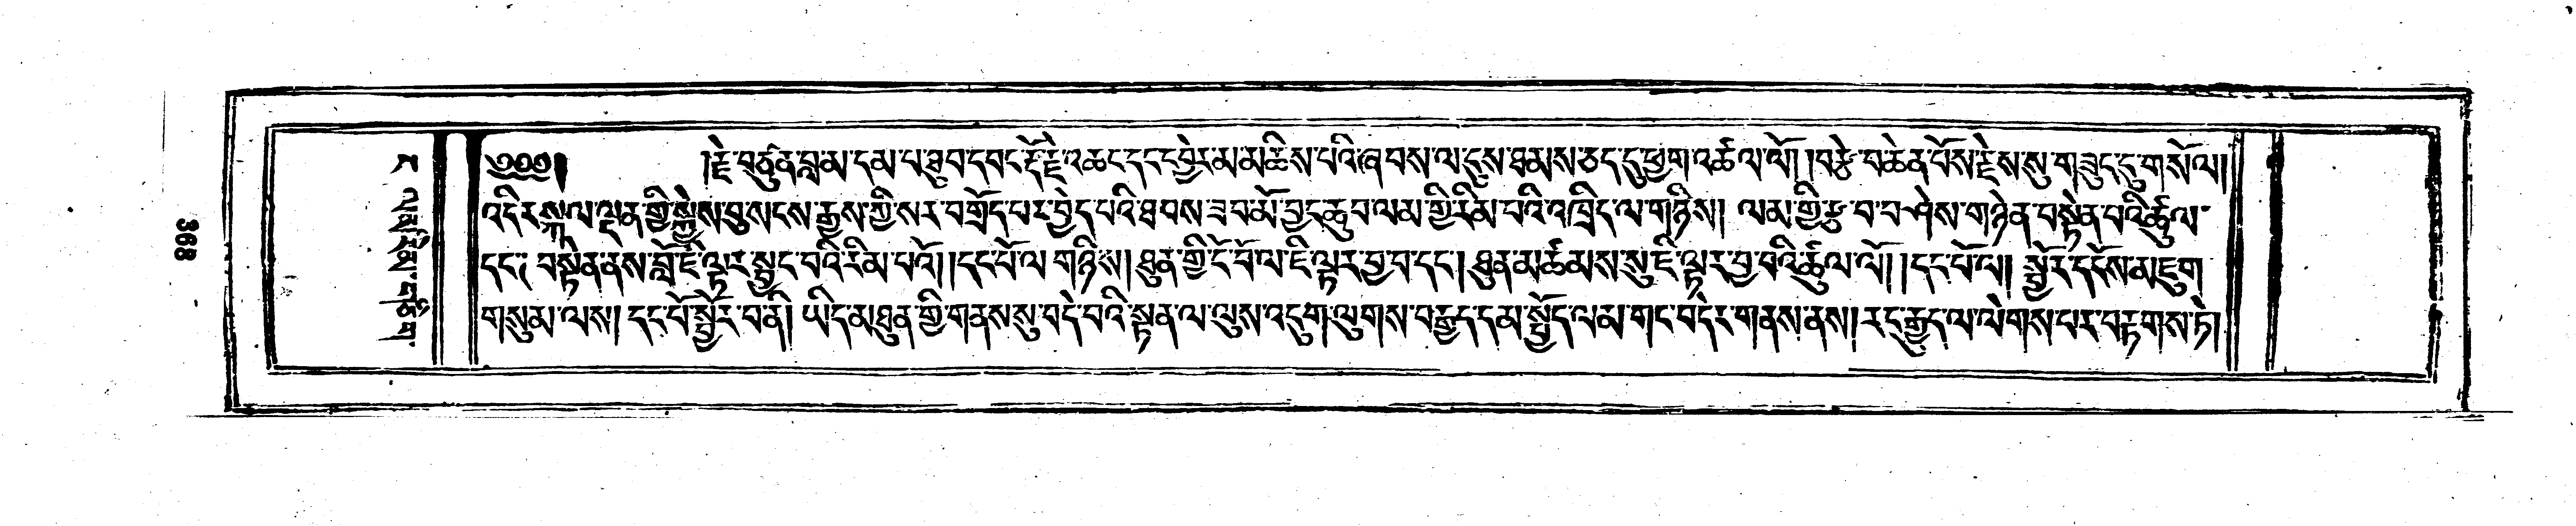༄༅༅། །རྗེ་བཙུན་བླ་མ་དམ་པ་ཐུབ་དབང་རྡོ་རྗེ་འཆང་དང་དབྱེར་མ་མཆིས་པའི་ཞབས་ལ་དུས་ཐམས་ཅད་དུ་ཕྱག་འཚལ་ལོ། །བརྩེ་བ་ཆེན་པོས་རྗེས་སུ་གཟུང་དུ་གསོལ།
འདིར་སྐལ་ལྡན་གྱི་སྐྱེས་བུ་སངས་རྒྱས་ཀྱི་སར་བགྲོད་པར་བྱེད་པའི་ཐབས་ཟབ་མོ་བྱང་ཆུབ་ལམ་གྱི་རིམ་པའི་འཁྲིད་ལ་གཉིས། ལམ་གྱི་རྩ་བ་བཤེས་གཉེན་བསྟེན་པའི་ཚུལ་
དང༑ བསྟེན་ནས་བློ་ཇི་ལྟར་སྦྱང་བའི་རིམ་པའོ། །དང་པོ་ལ་གཉིས། ཐུན་གྱི་ངོ་བོ་ལ་ཇི་ལྟར་བྱ་བ་དང་། ཐུན་མཚམས་སུ་ཇི་ལྟར་བྱ་བའི་ཚུལ་ལོ། །དང་པོ་ལ། སྦྱོར་དངོས་མཇུག་
གསུམ་ལས། དང་པོ་སྦྱོར་བ་ནི། ཡིད་མཐུན་གྱི་གནས་སུ་བདེ་བའི་སྟན་ལ་ལུས་འདུག་ལུགས་བརྒྱད་དམ་སྤྱོད་ལམ་གང་བདེར་གནས་ནས། རང་རྒྱུད་ལ་ལེགས་པར་བརྟགས་ཏེ།